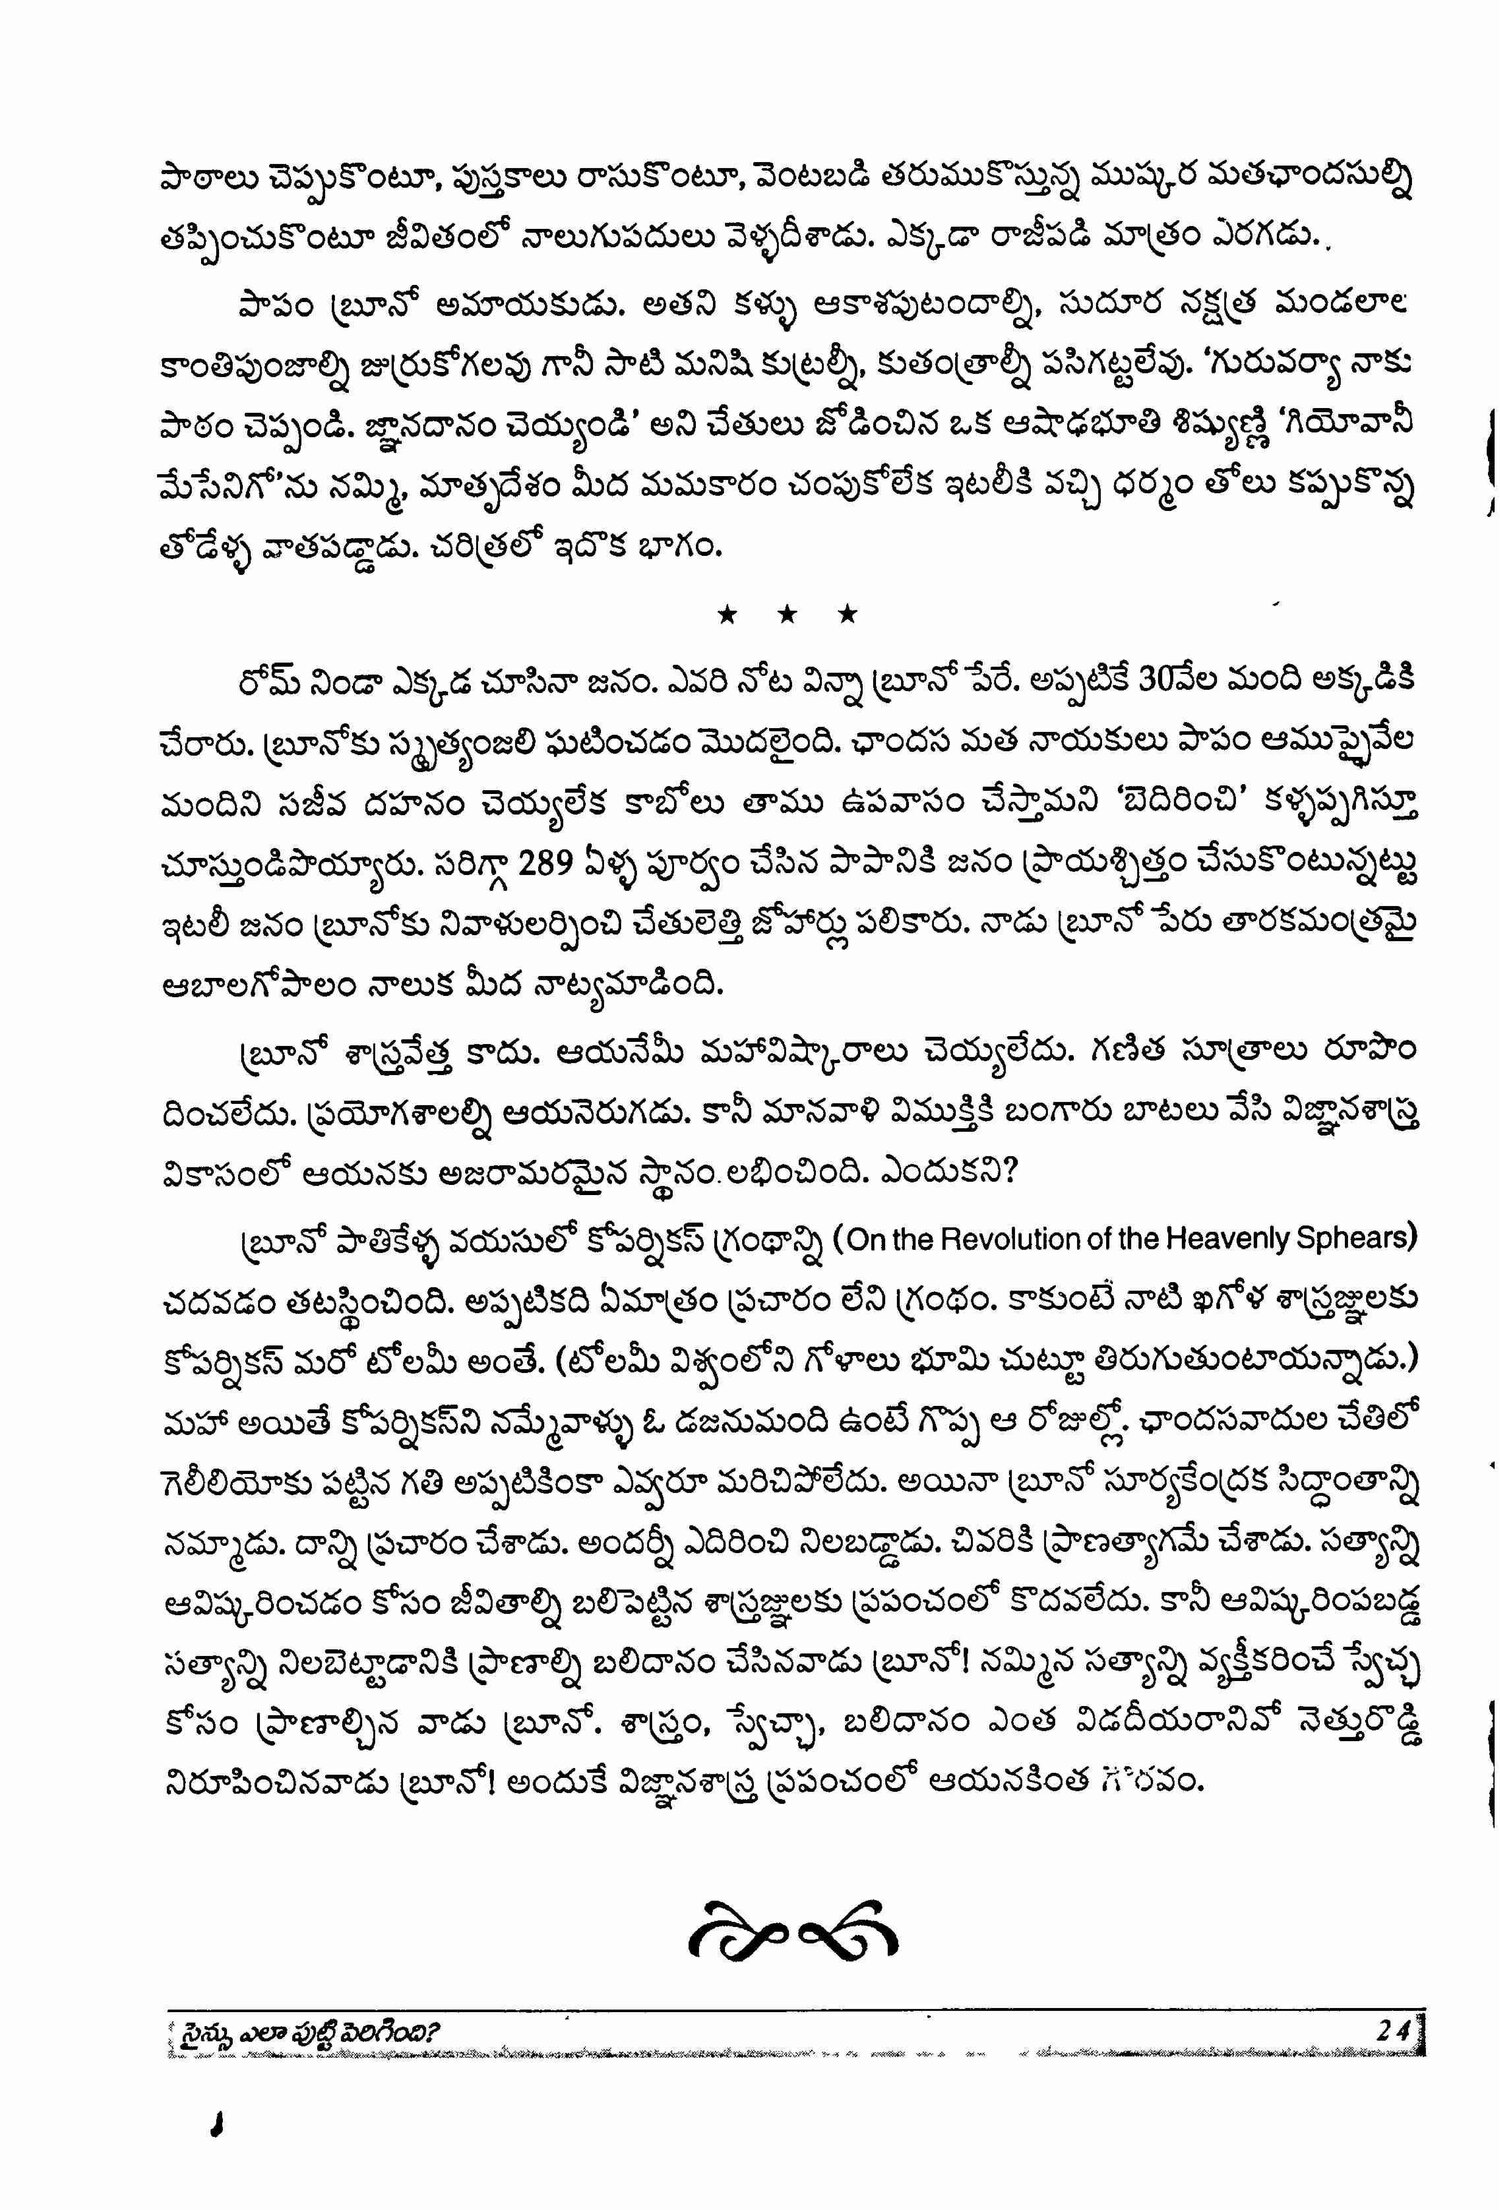పాఠాలు చెప్పుకొంటూ, పుస్తకాలు రాసుకొంటూ, వెంటబడి తరుముకొస్తున్న ముష్కర మతఛాందసుల్ని
తప్పించుకొంటూ జీవితంలో నాలుగుపదులు వెళ్ళదీశాడు. ఎక్కడా రాజీపడి మాత్రం ఎరగడు.

పాపం బ్రూనో అమాయకుడు. అతని కళ్ళు ఆకాశపుటందాల్ని, సుదూర నక్షత్ర మండలాల కాంతిపుంజాల్ని జుర్రుకోగలవు గానీ సాటి మనిషి కుట్రల్నీ, కుతంత్రాల్నీ పసిగట్టలేవు. 'గురువర్యా నాకు పాఠం చెప్పండి. జ్ఞానదానం చెయ్యండి' అని చేతులు జోడించిన ఒక ఆషాఢభూతి శిష్యుణ్ణి 'గియోవానీ మేసేనిగో'ను నమ్మి, మాతృదేశం మీద మమకారం చంపుకోలేక ఇటలీకి వచ్చి ధర్మం తోలు కప్పుకొన్న తోడేళ్ళ వాతపడ్డాడు. చరిత్రలో ఇదొక భాగం.

రోమ్ నిండా ఎక్కడ చూసినా జనం. ఎవరి నోట విన్నా బ్రూనో పేరే. అప్పటికే 30వేల మంది అక్కడికి చేరారు. బ్రూనోకు స్మృత్యంజలి ఘటించడం మొదలైంది. ఛాందస మత నాయకులు పాపం ఆముప్ఫైవేల మందిని సజీవ దహనం చెయ్యలేక కాబోలు తాము ఉపవాసం చేస్తామని 'బెదిరించి' కళ్ళప్పగిస్తూ చూస్తుండిపొయ్యారు. సరిగ్గా 289 ఏళ్ళ పూర్వం చేసిన పాపానికి జనం ప్రాయశ్చిత్తం చేసుకొంటున్నట్టు ఇటలీ జనం బ్రూనోకు నివాళులర్పించి చేతులెత్తి జోహార్లు పలికారు. నాడు బ్రూనో పేరు తారకమంత్రమై ఆబాలగోపాలం నాలుక మీద నాట్యమాడింది.

బ్రూనో శాస్త్రవేత్త కాదు. ఆయనేమీ మహావిష్కారాలు చెయ్యలేదు. గణిత సూత్రాలు రూపొందించలేదు. ప్రయోగశాలల్ని ఆయనెరుగడు. కానీ మానవాళి విముక్తికి బంగారు బాటలు వేసి విజ్ఞానశాస్త్ర వికాసంలో ఆయనకు అజరామరమైన స్థానం లభించింది. ఎందుకని?

బ్రూనో పాతికేళ్ళ వయసులో కోపర్నికస్ గ్రంథాన్ని (On the Revolution of the Heavenly Sphears) చదవడం తటస్థించింది. అప్పటికది ఏమాత్రం ప్రచారం లేని గ్రంథం. కాకుంటే నాటి ఖగోళ శాస్త్రజ్ఞులకు కోపర్నికస్ మరో టోలమీ అంతే. (టోలమీ విశ్వంలోని గోళాలు భూమి చుట్టూ తిరుగుతుంటాయన్నాడు.) మహా అయితే కోపర్నికస్‌ని నమ్మేవాళ్ళు ఓ డజనుమంది ఉంటే గొప్ప ఆ రోజుల్లో. ఛాందసవాదుల చేతిలో గెలీలియోకు పట్టిన గతి అప్పటికింకా ఎవ్వరూ మరిచిపోలేదు. అయినా బ్రూనో సూర్యకేంద్రక సిద్ధాంతాన్ని నమ్మాడు. దాన్ని ప్రచారం చేశాడు. అందర్నీ ఎదిరించి నిలబడ్డాడు. చివరికి ప్రాణత్యాగమే చేశాడు. సత్యాన్ని ఆవిష్కరించడం కోసం జీవితాల్ని బలిపెట్టిన శాస్త్రజ్ఞులకు ప్రపంచంలో కొదవలేదు. కానీ ఆవిష్కరింపబడ్డ సత్యాన్ని నిలబెట్టాడానికి ప్రాణాల్ని బలిదానం చేసినవాడు బ్రూనో! నమ్మిన సత్యాన్ని వ్యక్తీకరించే స్వేచ్ఛ కోసం ప్రాణాల్చిన వాడు బ్రూనో, శాస్త్రం, స్వేచ్ఛా, బలిదానం ఎంత విడదీయరానివో నెత్తురొడ్డి నిరూపించినవాడు బ్రూనో! అందుకే విజ్ఞానశాస్త్ర ప్రపంచంలో ఆయనకింత గౌరవం.